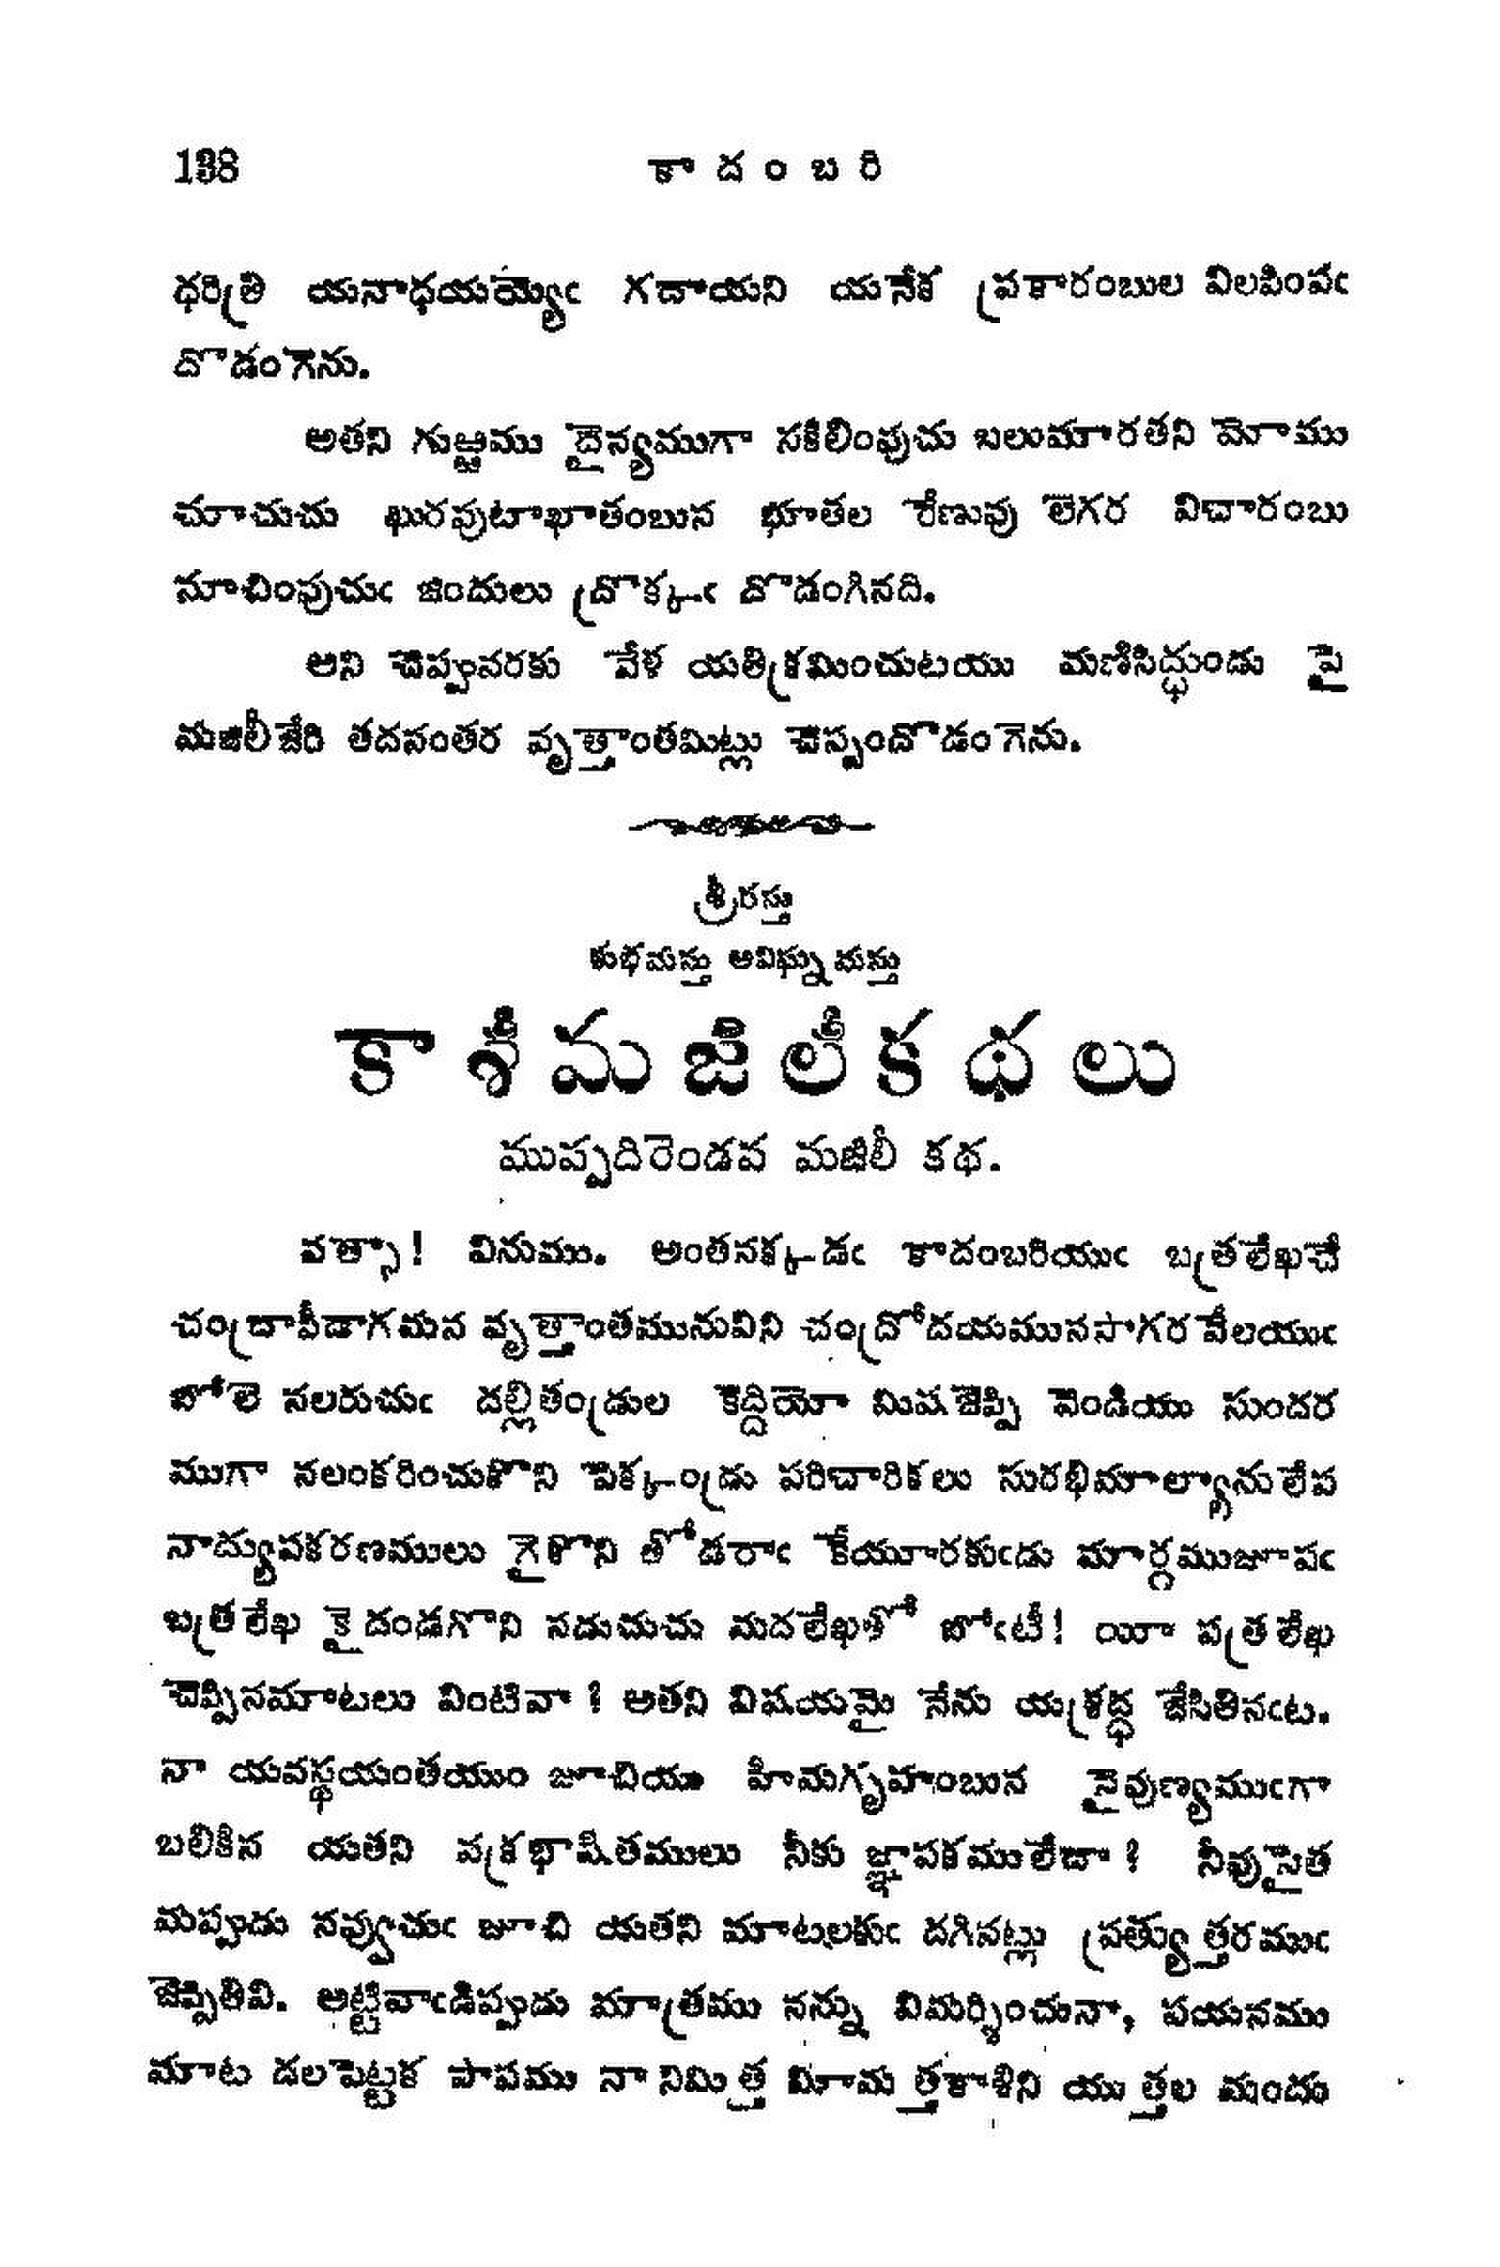ధరిత్రి యనాధయయ్యెఁ గదాయని యనేక ప్రకారంబుల విలపింపఁ దొడంగెను.

అతని గుఱ్ఱము దైన్యముగా సకిలింపుచు బలుమారతని మోము చూచుచు ఖురపుటాఖాతంబున భూతల రేణువు లెగర విచారంబు సూచింపుచుఁ జిందులు ద్రొక్కఁ దొడంగినది.

అని చెప్పువరకు వేళ యతిక్రమించుటయు మణిసిద్ధుండు పై మజిలీజేరి తదనంతర వృత్తాంతమిట్లు చెప్పందొడంగెను.

శ్రీరస్తు
శుభమస్తు అవిఘ్నమస్తు
కాశీమజిలీకథలు
ముప్పదిమూఁడవ మజిలీ కథ

వత్సా! వినుము. అంతనక్కడఁ కాదంబరియుఁ బత్రలేఖచే చంద్రాపీడాగమన వృత్తాంతమునువిని చంద్రోదయమునసాగర వేలయుఁ బోలె నలరుచుఁ దల్లితండ్రుల కెద్దియో మిషజెప్పి వెండియు సుందరముగా నలంకరించుకొని పెక్కండ్రు పరిచారికలు సురభిమాల్యానులేపనాద్యుపకరణములు గైకొని తోడరాఁ కేయూరకుఁడు మార్గముజూపఁ బత్రలేఖ కైదండగొని నడుచుచు మదలేఖతో బోఁటీ! యీ పత్రలేఖ చెప్పినమాటలు వింటివా? అతని విషయమై నేను యశ్రద్ధ జేసితినఁట. నా యవస్థయంతయుం జూచియు హిమగృహంబున నైపుణ్యముఁగా బలికిన యతని వక్రభాషితములు నీకు జ్ఞాపకములేదా? నీవుసైత మప్పుడు నవ్వుచుఁ జూచి యతని మాటలకుఁ దగినట్లు ప్రత్యుత్తరముఁ జెప్పితివి. అట్టివాఁడిప్పుడు మాత్రము నన్ను విమర్శించునా, పయనము మాట దలపెట్టక పాపము నా నిమిత్త మీమత్తకాశిని యుత్తల మందు